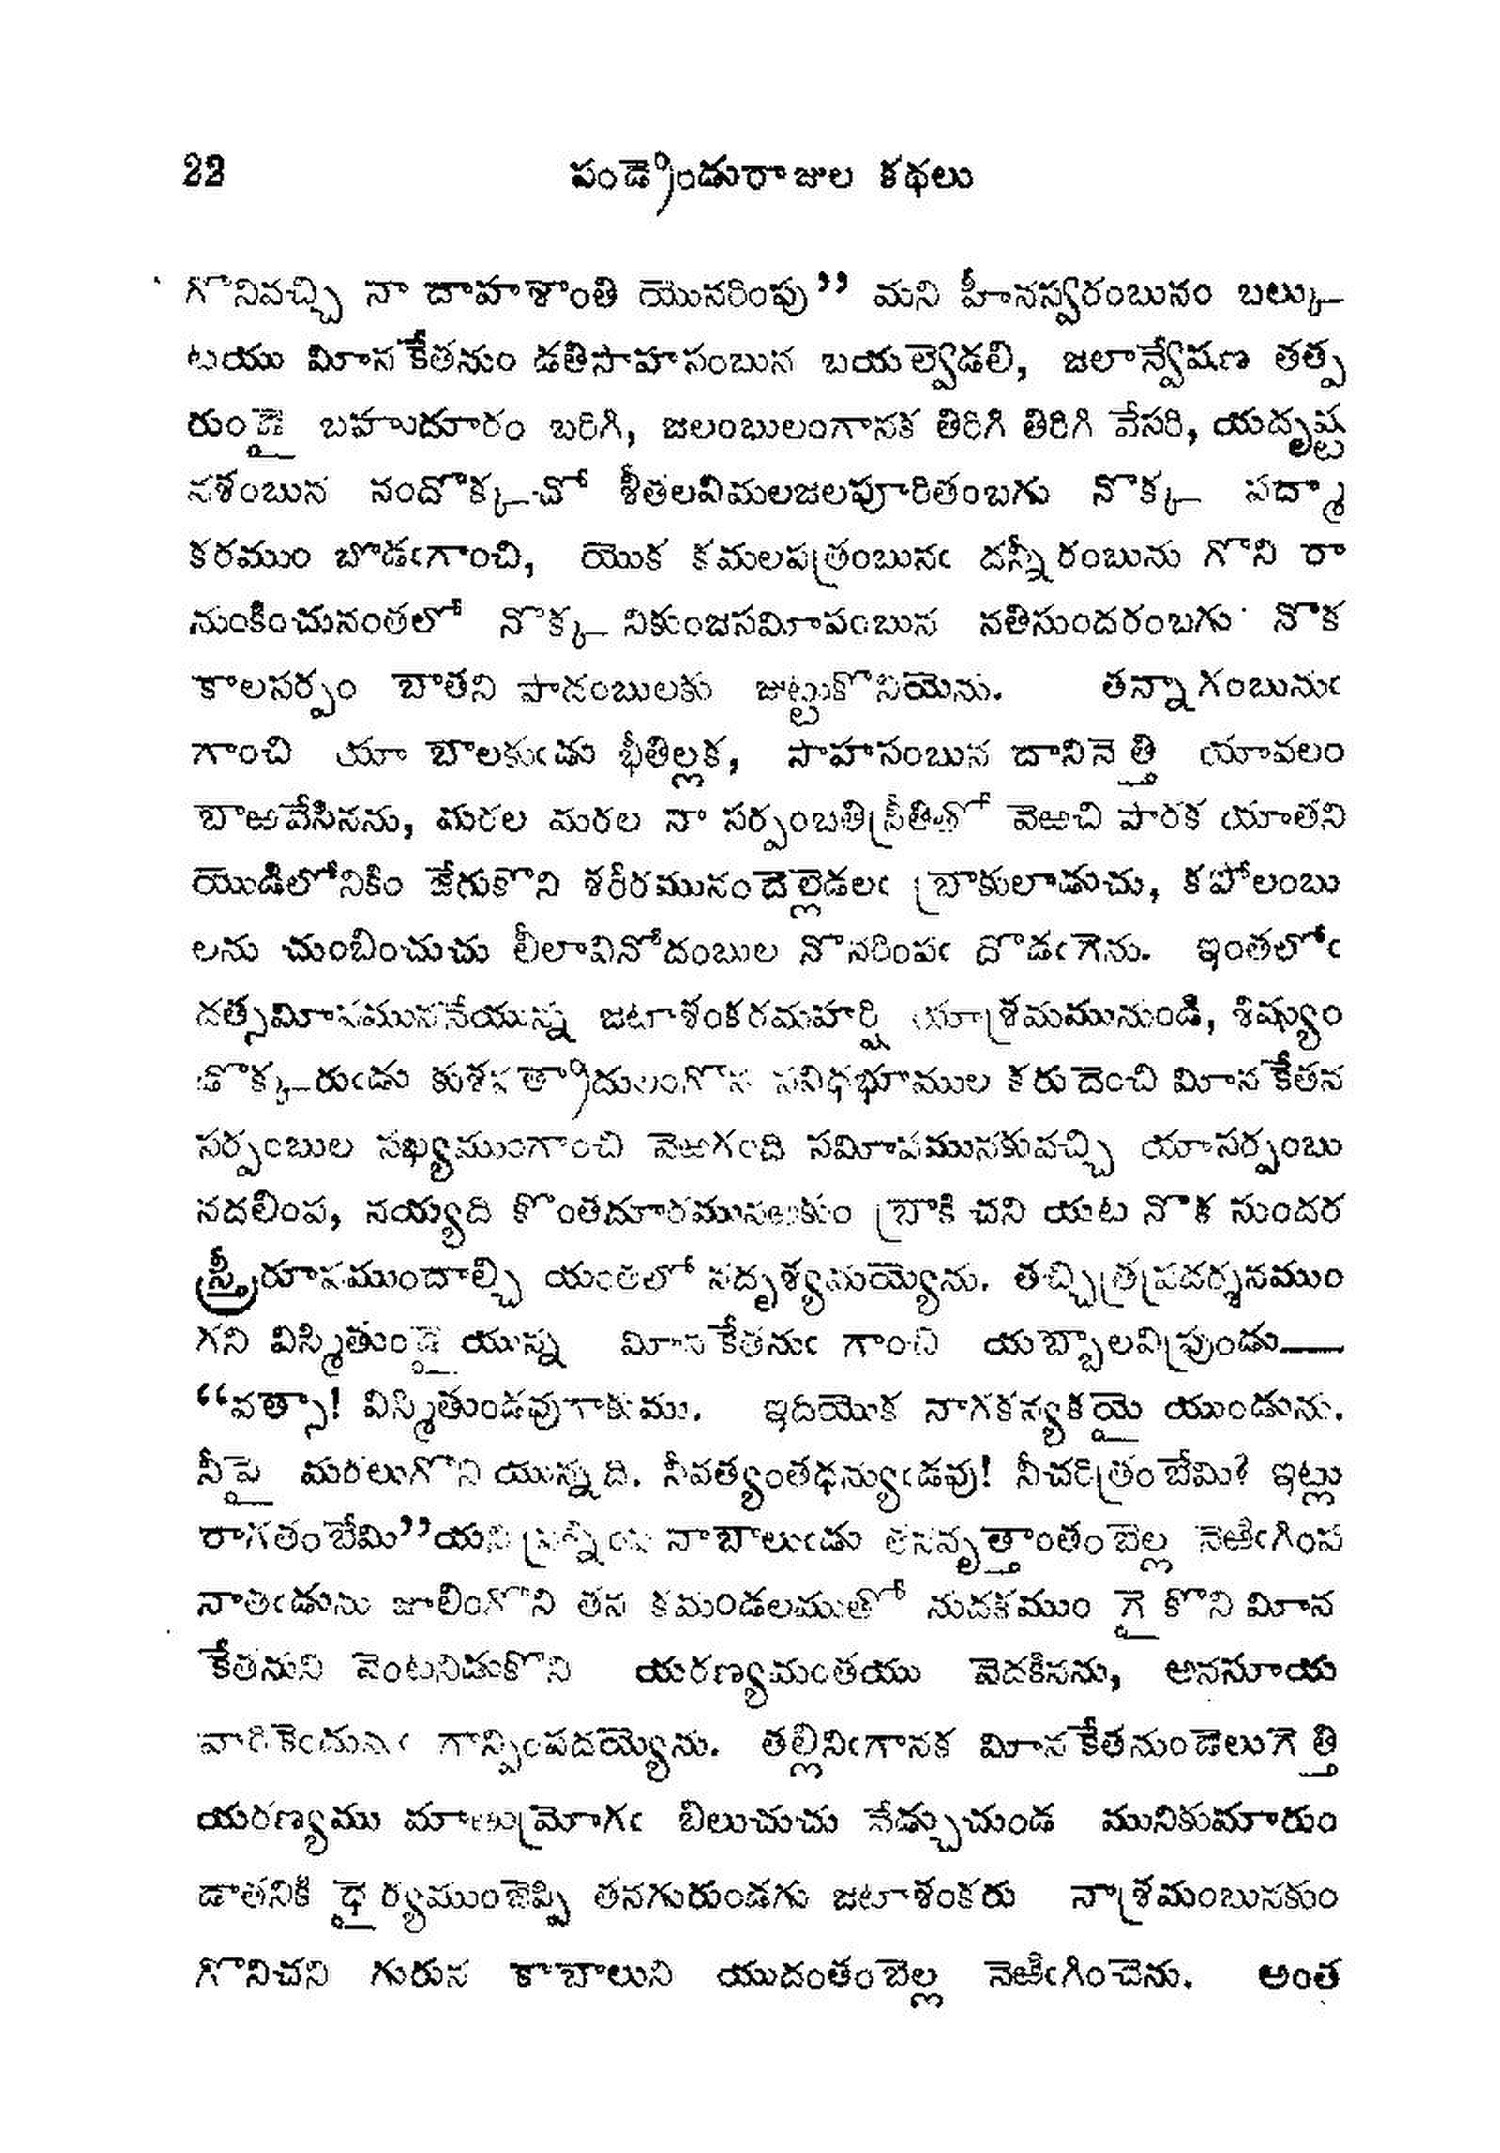గొనివచ్చి నా దాహశాంతి యొనరింపు " మని హీనస్వరంబునం బల్కుటయు మీనకేతనుం డతిసాహసంబున బయల్వెడలి, జలాన్వేషణ తత్పరుండై బహుదూరం బరిగి, జలంబులంగానక తిరిగి తిరిగి వేసరి, యదృష్ట వశంబున నందొక్కచో శీతలవిమలజలపూరితంబగు నొక్క పద్మాకరముం బొడఁగాంచి, యొక కమలపత్రంబునఁ దన్నీ రంబును గొని రానుంకించు నంతలో నొక్క నీకుంజసమీపంబున నతిసుందరంబగు నొక కాలసర్పం బాతని పాదంబులకు జుట్టుకొనియెను. తన్నాగంబునుఁ గాంచి యా బాలకుఁడు భీతిల్లక, సాహాసంబున దాని నెత్తి యావలం బాఱవేసినను, మరల మరల నా సర్పంబతి ప్రీతితో వెఱచి పారక యాతని యొడిలోనికిం జేరుకొని శరీరమునందెల్లెడలఁ బ్రాకులాడుచు, కపోలంబులను చుంబించుచు లీలావినోదంబుల నొనరింపఁ దొడఁగెను. ఇంతలోఁ దత్సమీపముననేయున్న జటాశంకరమహర్షి యాశ్రమము నుండి, శిష్యుం డోక్కరుఁడు కుశపత్రాదులంగోని కాదు. సనిధ భూముల కరుదెంచి మీనకేతన సర్పంబుల సఖ్యము గాంచి మెఱగంది సమీపమునకు వచ్చి యా సర్పంబు వదలింప, నయ్యది కొంతదూరమువఱకుం బ్రాకి చని యట నొక సుందర
స్రీరూపముందాల్చి యంతలో నదృశ్య మయ్యెను. తచ్చిత్ర ప్రదర్శనముంగని విస్మితుండై యున్న మీనకేతనుఁ గాంచి, యబ్బాలవిప్రుండు——“వత్సా! విస్మితుండవు గాకుము. ఇదియొక నాగకన్యకయై యుండును. నీపై మరలుగొని యున్నది. నీవత్యంతధన్యుఁడవు! నీ చరిత్రం బేమి? ఇట్లు రాగతం బేమి"యని ప్రశ్నింప నా బాలుఁడు తన వ్రుత్తాంతం బెల్ల నెఱిఁగింప
నాతఁడును జాలింగోని తన కమండలముతో నదకముం గైకొని మీనకేతనుని వెంట నిడుకొని యరణ్య మంతయు వెదకినను, అనసూయ వారికెందునుఁ గాన్పింపదయ్యెను. తల్లినిఁ గానక మీనకేతనుం డెలుగెత్తి యరణ్యము మాఱు మ్రోగఁ బిలుచుచు నేడ్చుచుండ మునికుమారుం డాతనికి ధైర్యముం జెప్పి తనగురుండగు జటాశంకరు నాశ్రమంబునకుం గొనిచని గురున కాబాలుని యుదంతం బెల్ల నెఱిఁగించెను. అంత